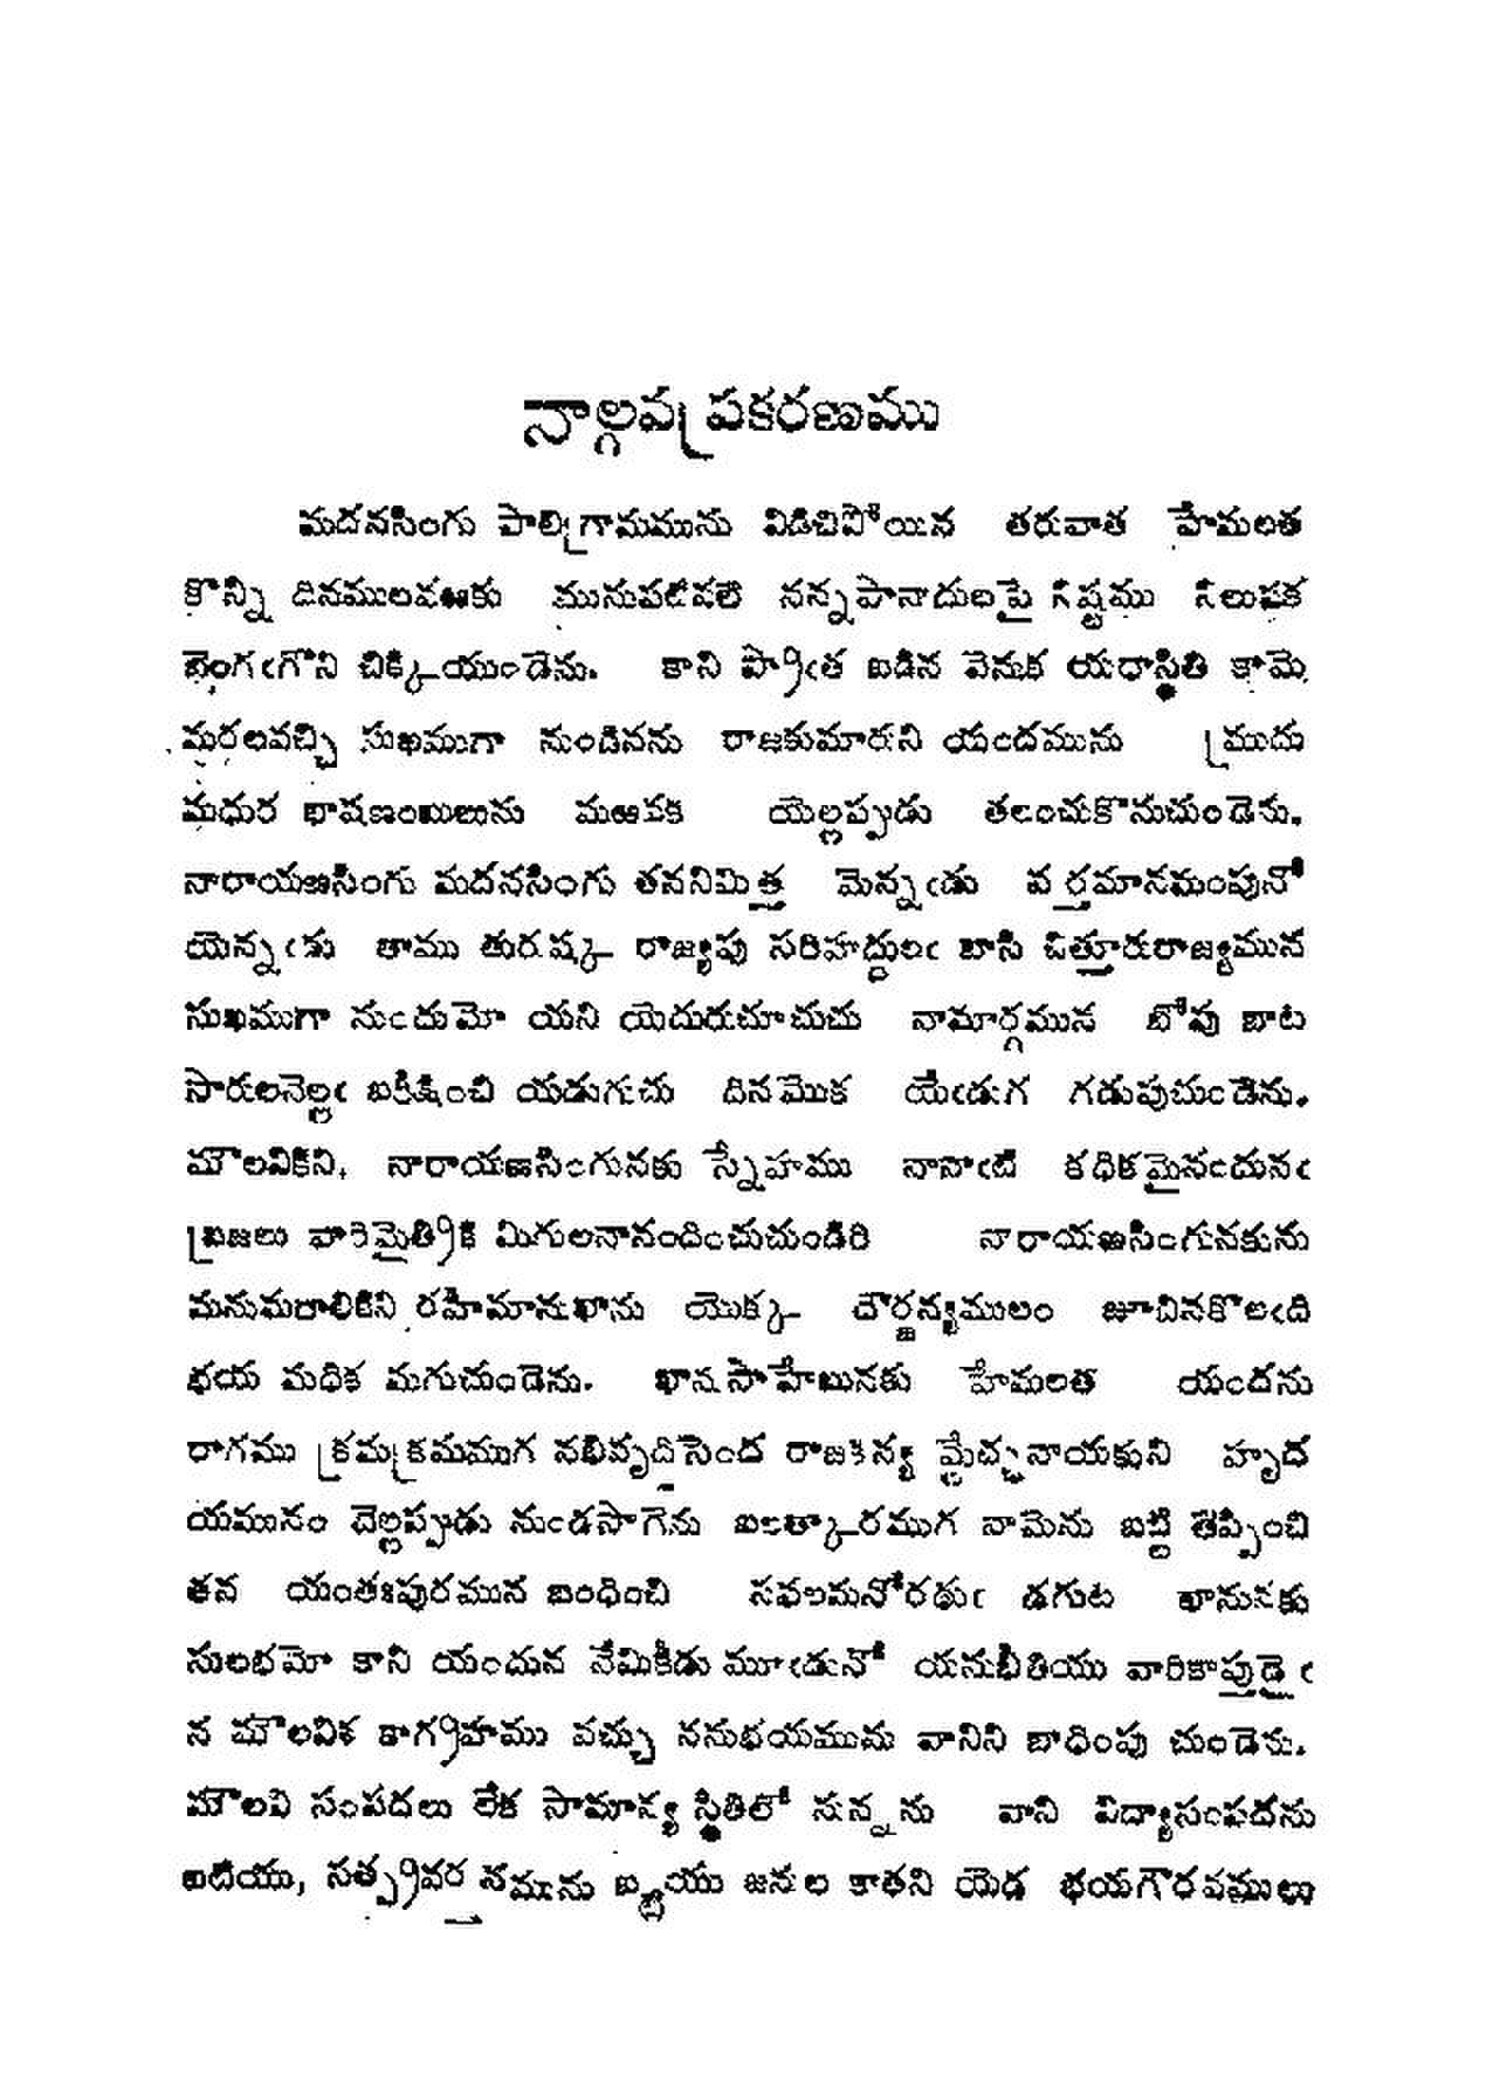మదనసింగు పాలిగ్రామమును విడిచిపోయిన తరువాత హేమలత కొన్ని దినములవఱకు మునుపటివలె నన్నపానాదులపై నిష్టము నిలుపక బెంగఁగొని చిక్కియుండెను. కాని ప్రాఁత బడిన వెనుక యధాస్థితి కామె మరలవచ్చి సుఖముగా నుండినను రాజకుమారుని యందమును మృదు మధుర భాషణంబులును మఱవక యెల్లప్పుడు తలంచుకొనుచుండెను. నారాయణసింగు మదనసింగు తననిమిత్త మెన్నఁడు వర్తమానమంపునో యెన్నఁడు తాము తురుష్క రాజ్యపు సరిహద్దులఁ బాసి చిత్తూరు రాజ్యమున సుఖముగా నుందుమో యని యెదురుచూచుచు నామార్గమున బోవు బాటసారులనెల్లఁ బరీక్షించి యడుగచు దినమొక యేఁడుగ గడుపుచుండెను. మౌలవికిని, నారాయణసింగునకు స్నేహము నానాటి కధికమైనందునఁ బ్రజలు వారిమైత్రికి మిగులనానందించుచుండిరి. నారాయణసింగునకును మనుమరాలిని రహిమాను ఖాను యొక్క దౌర్జన్యములం జూచినకొలది భయ మధిక మగుచుండెను. ఖానుసాహేబునకు హేమలత యందనురాగము క్రమక్రమముగ నభివృద్ధి సెంద రాజకన్య మ్లేచ్ఛనాయకుని హృదయమునం దెల్లప్పుడు నుండసాగెను. బలాత్కారముగ నామెను బట్టి తెప్పించి తన యంతఃపురమున బంధించి సఫలమనోరథుఁ డగుట ఖానునకు సులభమే కాని యందున నేమికీడు మూడునో యనుభీతియు వారికాప్తుడైఁన మౌలవి కాగ్రహము వచ్చు ననుభయముమ వానిని బాధింపు చుండెను. మౌలవి సంపదలు లేక సామాన్య స్థితిలో నున్నను వాని విద్యాసంపదను బట్టియు, సత్ప్రవర్తనమును బట్టియు జనుల కాతని యెడ భయగౌరవములు